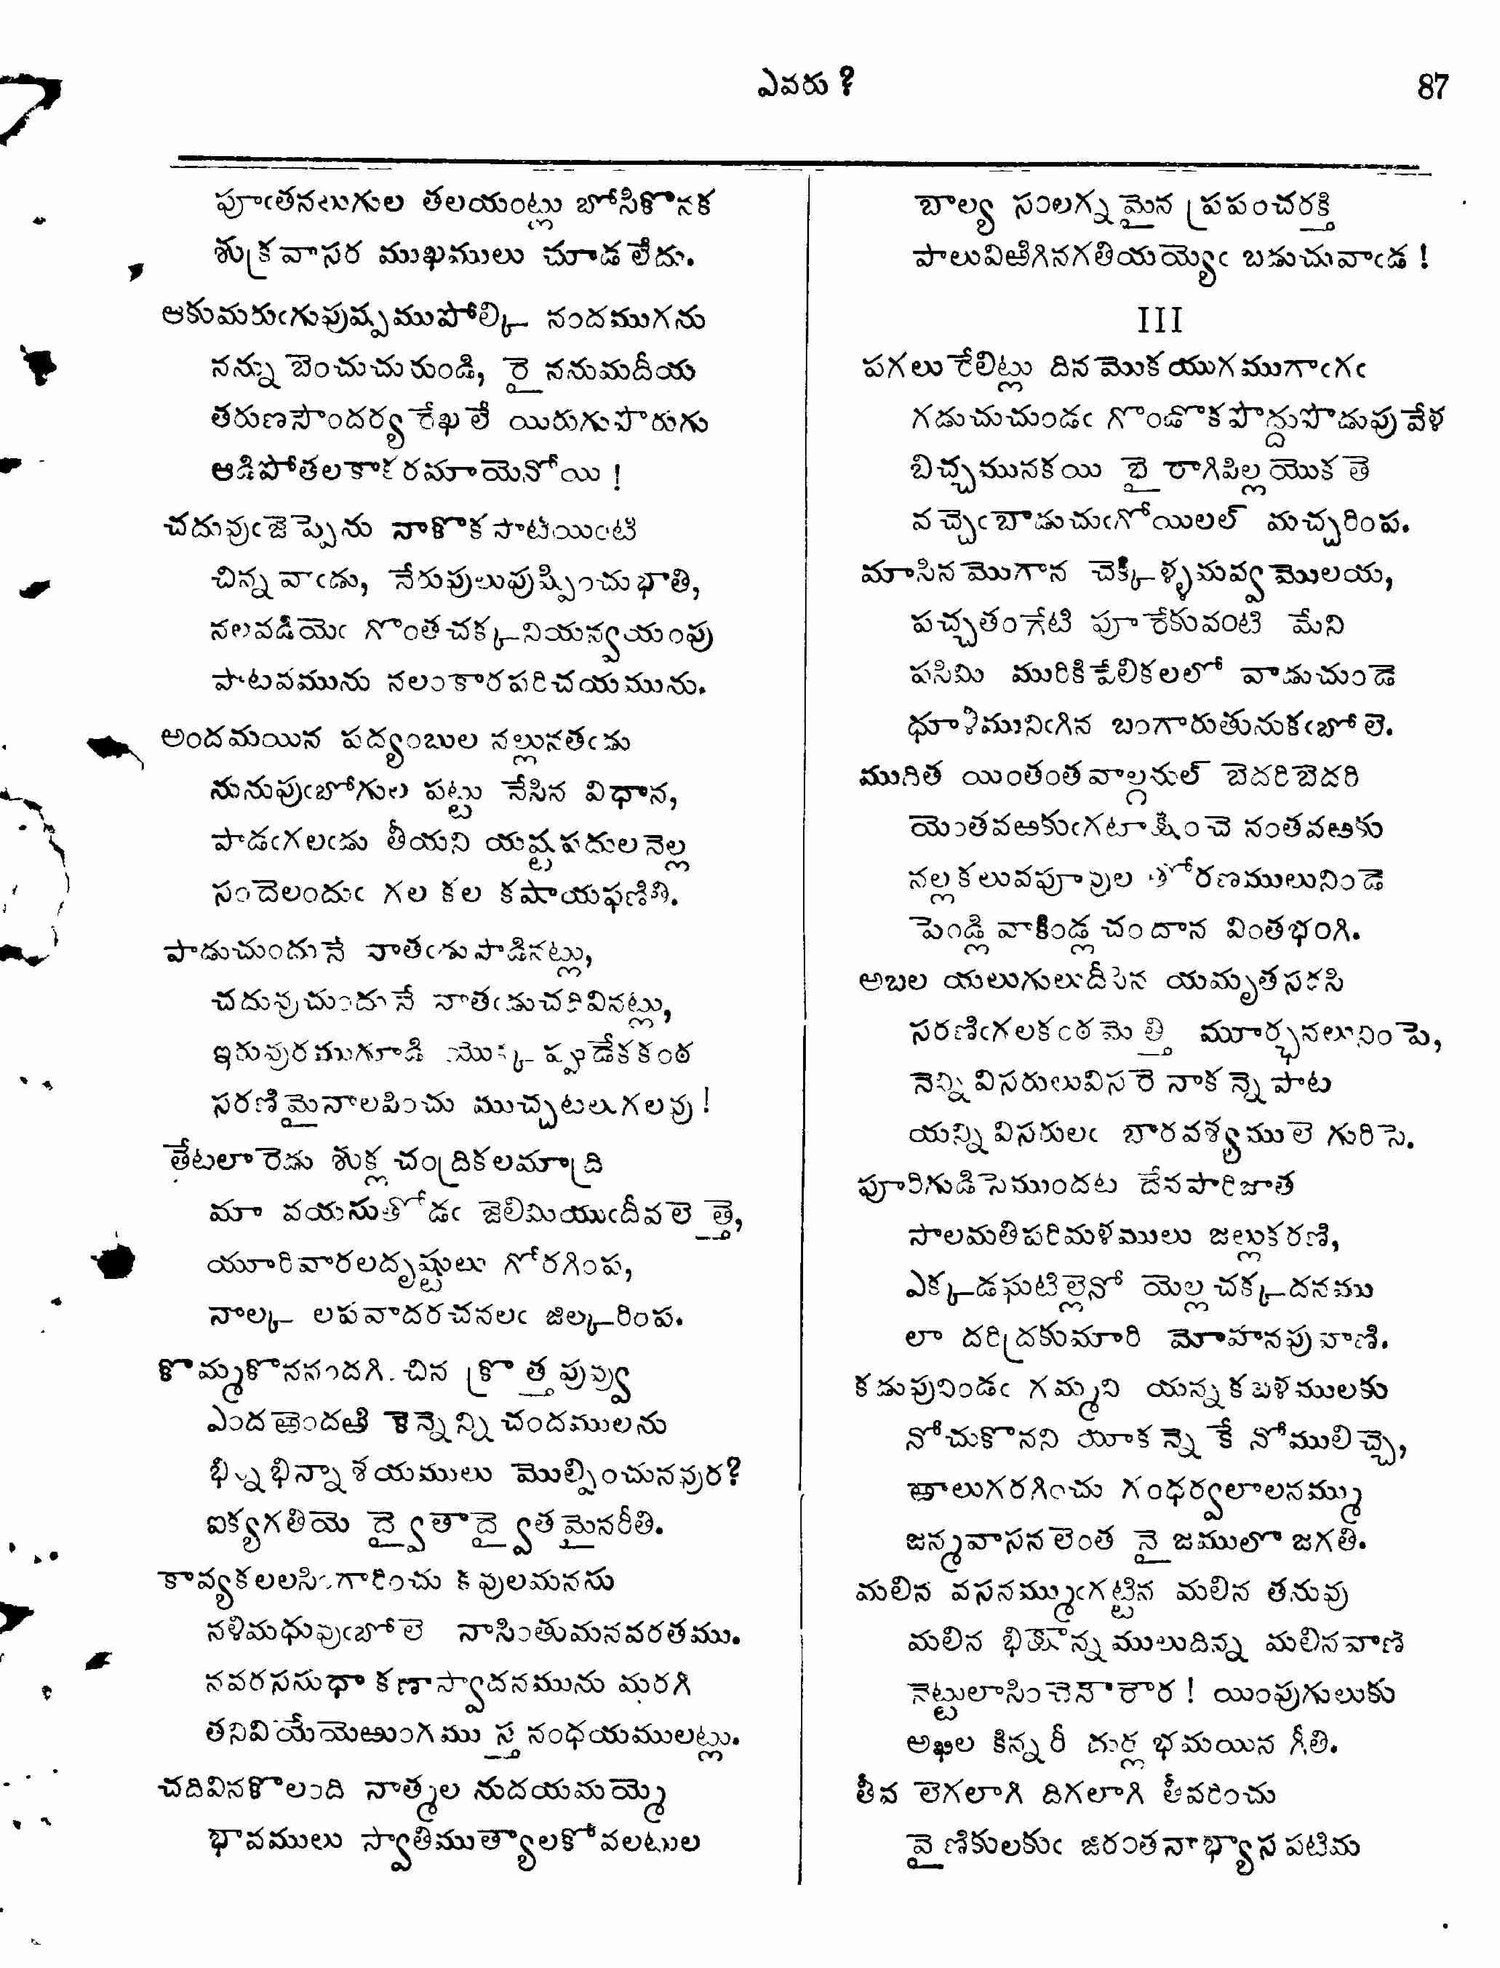పూఁతనలుగుల తలయంట్లు బోసికొనక
శుక్రవాసర ముఖములు చూడలేదు.

ఆకుమరుఁగుపుష్పముపోల్కి నందముగను
నన్ను బెంచుచురుండి, రైననుమదీయ
తరుణసౌందర్య రేఖలే యిరుగుపొరుగు
ఆడిపోతలకాకర మాయెనోయి !

చదువుఁజెప్పెను నాకొక సాటియింటి
చిన్న వాఁడు, నేరుపులు పుష్పించుఛాతి,
నలవడియెఁ గొంత చక్కనియన్వయంపు
పాటవమును నలుకారపరిచయమును.

అందమయిన పద్యంబుల నల్లునతఁడు
నునుపుఁబోగుల పట్టు వేసిన విధాన,
పాడఁగలఁడు తీయని యష్టపదుల నెల్ల
సందెలందుఁ గల కల కషాయఫణితి.

పాడుచుందునే వాతఁడు పాడినట్లు,
చదువుచుందునే నాతఁడు చదివినట్లు,
ఇరువురముగూడి మొక్కప్పుడేకకంఠ
సరణిమైనాలపించు ముచ్చటలు గలవు!

తేటలారెడు శుక్లచంద్రికలమాద్రి
మా వయసుతోడఁ జెలిమియుఁదీవలెత్తె,
యూరివారలదృష్టులు గోరగింప,
నాల్క లపవాదరచనలఁ జిల్కరింప.

కొమ్మకొననందగించిన క్రొత్త పువ్వు
ఎందఱెందఱి కెన్నెన్ని చందములను
భిన్న భిన్నాశయములు మొల్పించునపుర?
ఐక్యగతియె ద్వైతాద్వైతమైనరీతి.

కావ్యకలలసింగారించు కవులమనసు
నళిమధుపుఁబోలె నాసింతుమనవరతము.
నవరససుధా కణాస్వాదనమును మరగి
తనివి యేయెఱుంగము స్తనందయములట్లు.

చదివినకొలంది నాత్మల నుదయమయ్మె
భావములు స్వాతిముత్యాలకోవలటుల
బాల్య సంలగ్నమైన ప్రపంచరక్తి
పాలువిఱిగినగతియయ్యెఁ బడుచువాఁడ !
 
పగలురేలిట్లు దినమొక యుగముగాఁగఁ
గడుచుచుండఁ గొండొక పొద్దుపొడుపువేళ
బిచ్చమునకయి బైరాగిపిల్ల యొకతె
వచ్చెఁ బాడుచుఁగోయిలల్ మచ్చరింప.

మాసిన మొగాన చెక్కిళ్ళమవ్వ మొలయ,
పచ్చతంగేటి పూరేకువంటి మేని
పసిమి మురికి పేలికలలో వాడుచుండె
ధూళిమునిఁగిన బంగారుతునుకఁబోలె.

ముదిత యింతంత వాల్గనుల్ బెదరిబెదరి
యెంతవఱకుఁగటాక్షించె నంతవఱకు
నల్లకలువపూవుల తోరణములునిండె
పెండ్లి వాకిండ్ల చందాన వింతభంగి.

అబల యలుగులుదీసిన యమృత సరసి
సరణిఁగలకఁఠమెత్తి మూర్ఛనలునింపె,
నెన్ని విసరులు విసరె నాకన్నె పాట
యన్ని విసరులఁ బారవశ్యములె గురిసె.

పూరిగుడిసెముందట దేవపారిజాత
సాలమతి పరిమళములు జల్లుకరణి,
ఎక్కడఘుటిల్లెనో యెల్లచక్కదనము
లా దరిద్రకుమారి మోహనపువాణి.

కడుపునిండఁ గమ్మని యన్నకబళములకు
నోచుకొనని యాకన్నె కే నోములిచ్చె,
తాలుగరగించు గంధర్వలాలనమ్ము
జన్మవాసనలెంత నైజములో జగతి.

మలిన వసనమ్ముఁ గట్టిన మలిన తనువు
మలిన భిన్నములుదిన్న మలినవాణి
నెట్టులాసించెనౌరౌరు! యింపుగులకు
అఖిల కిన్నరీ దుర్లభమయిన గీతి.
తీవ లెగలాగి దిగలాగి అవరించు
వైణికులకుఁ జీరంతనాభ్యాసపటిమ